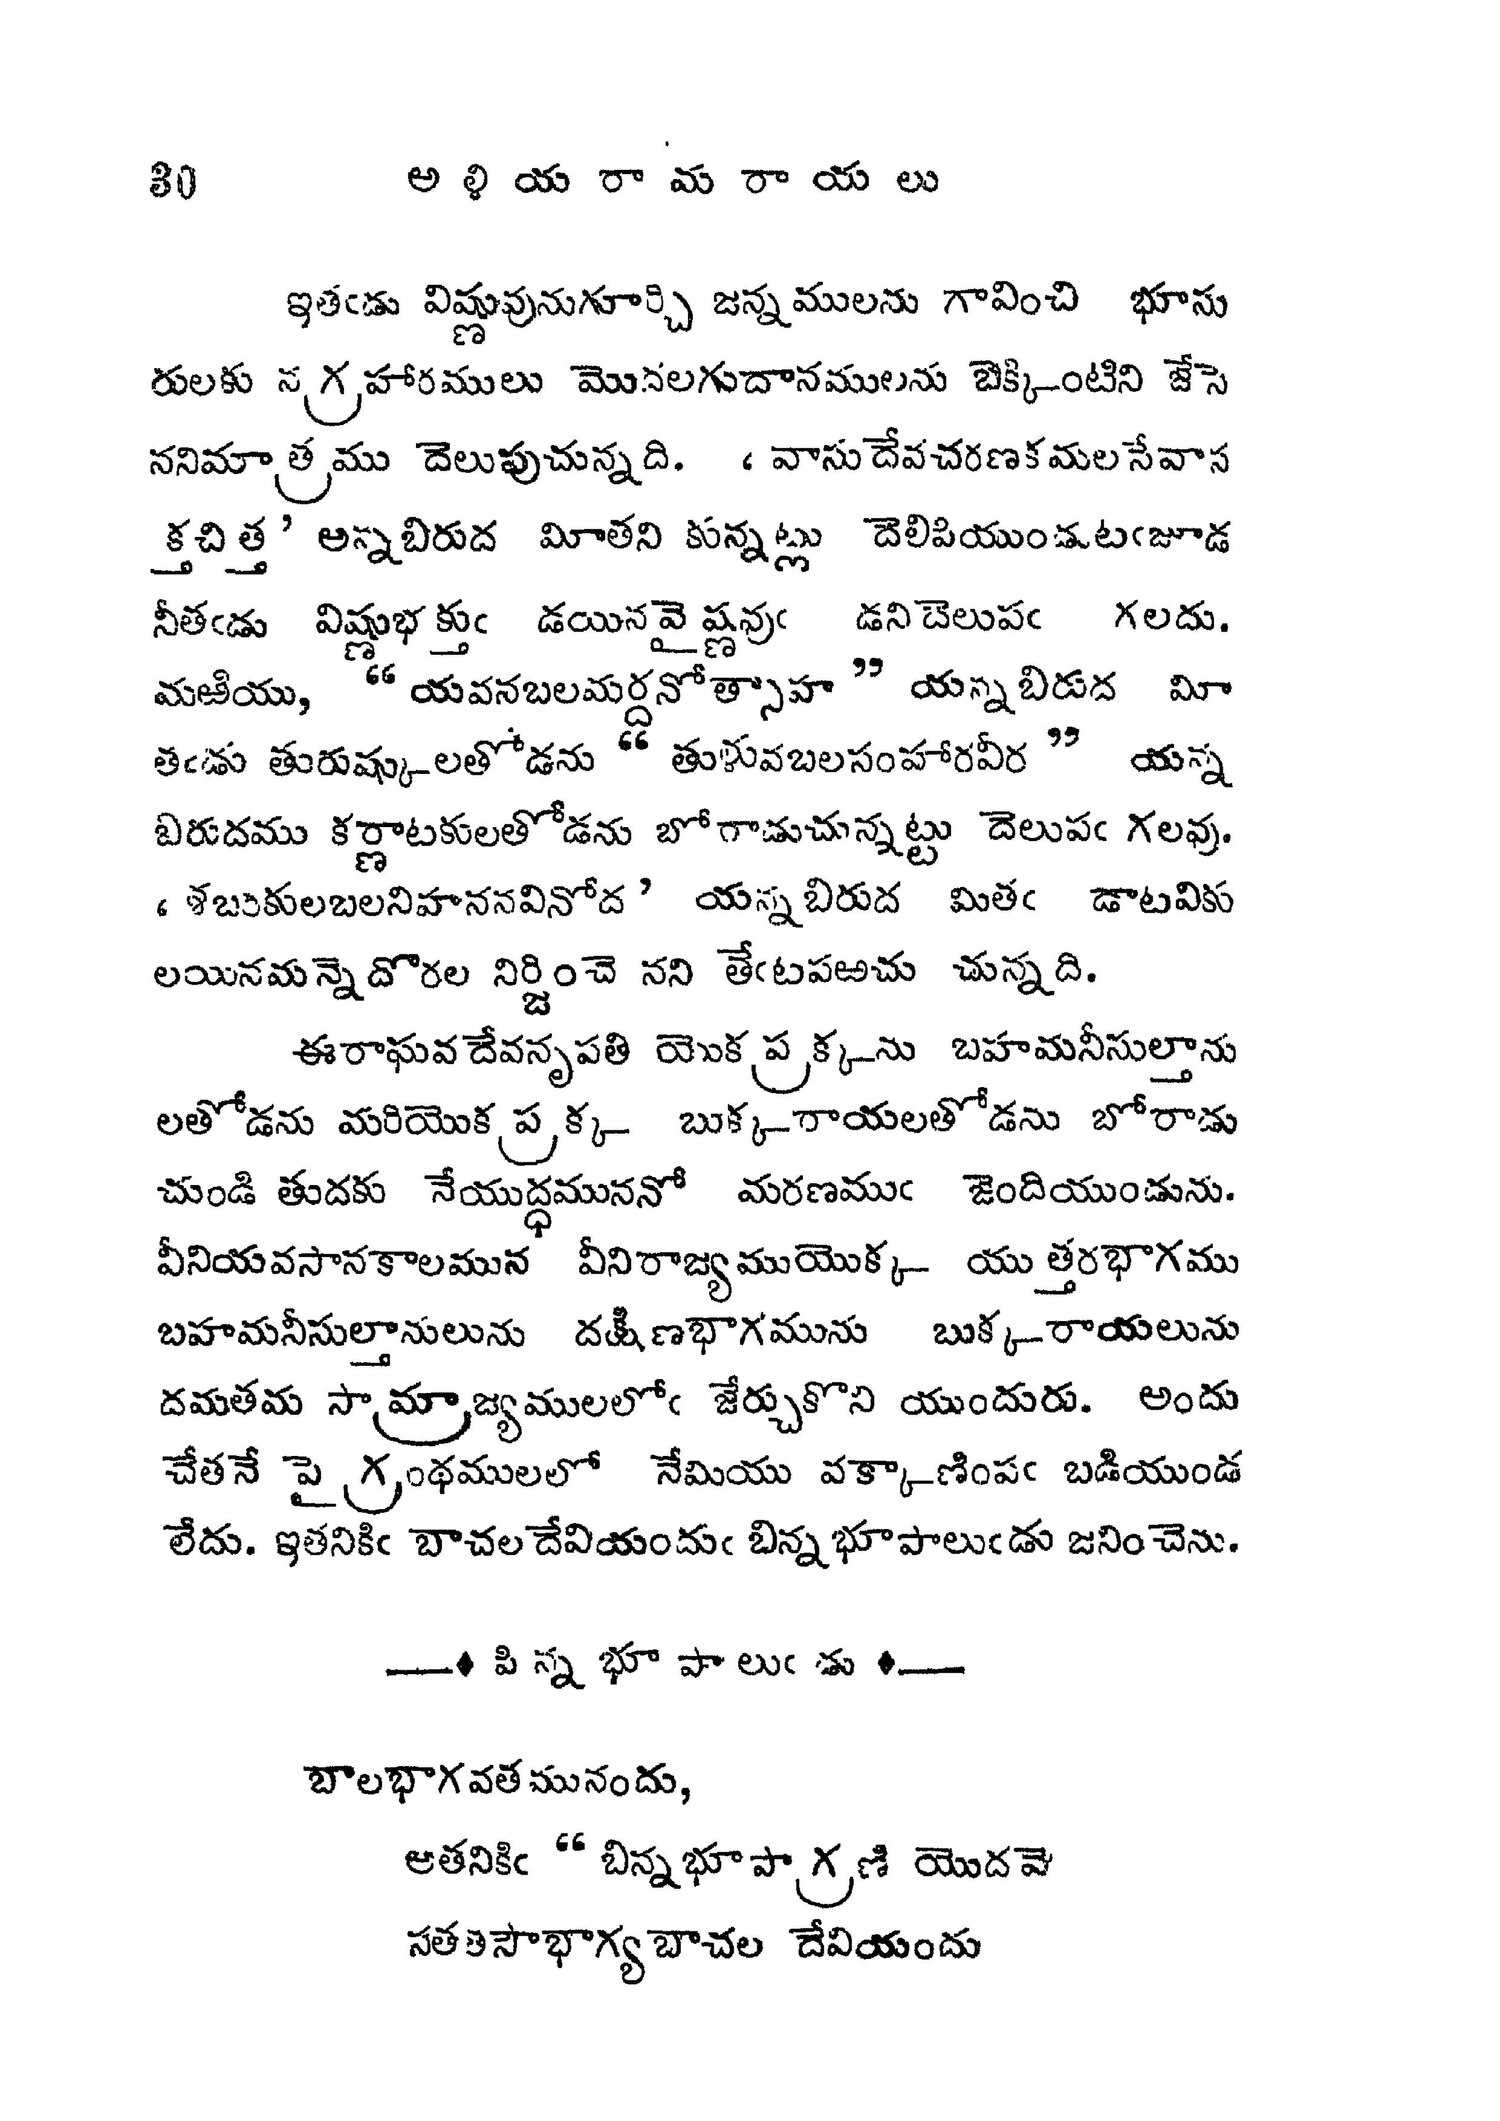ఇతడు విష్ణువునుగూర్చి జన్నములను గావించి భూసురులకు నగ్రహారములు మొదలగుదానములను బెక్కింటిని జేసెననిమాత్రము దెలుపుచున్నది. 'వాసుదేవచరణకమలసేవాసక్తచిత్త' అన్నబిరుద మీతని కున్నట్లు దెలిపియుండుటజూడ నీతడు విష్ణుభక్తు డయినవైష్ణవు డనిదెలుప గలదు. మఱియు, "యవనబలమర్దనోత్సాహ" యన్నబిరుద మీతడు తురష్కులతోడను తుళువబలసంహారవీర" యన్న బిరుదము కర్ణాటకులతోడను బోరాడుచున్నట్టు దెలుప గలవు. 'శబరకులబలనిహసనవినోద' యన్నబిరుద మిత డాటవికులయినమన్నెదొరల నిర్జించె నని తేటపఱచు చున్నది.

ఈరాఘవదేవనృపతి యొకప్రక్కను బహమనీసుల్తానులతోడను మరియొకప్రక్క బుక్కరాయలతోడను బోరాడుచుండి తుదకు నేయుద్ధముననో మరణము జెందియుండును. వీనియవసానకాలమున వీనిరాజ్యముయొక్క యుత్తరభాగము బహమనీసుల్తానులును దక్షిణభాగమును బుక్కరాయలును దమతమ సామ్రాజ్యములలో జేర్చుకొని యుందురు. అందుచేతనే పైగ్రంథములలో నేమియు వక్కాణింప బడియుండలేదు. ఇతనికి బాచలదేవియందు బిన్నభూపాలుడు జనించెను.

బాలభాగవతమునందు,
 
 అతనికి "బిన్నభూపాగ్రణి యొదవె
 సతతసౌభాగ్యబాచల దేవియందు